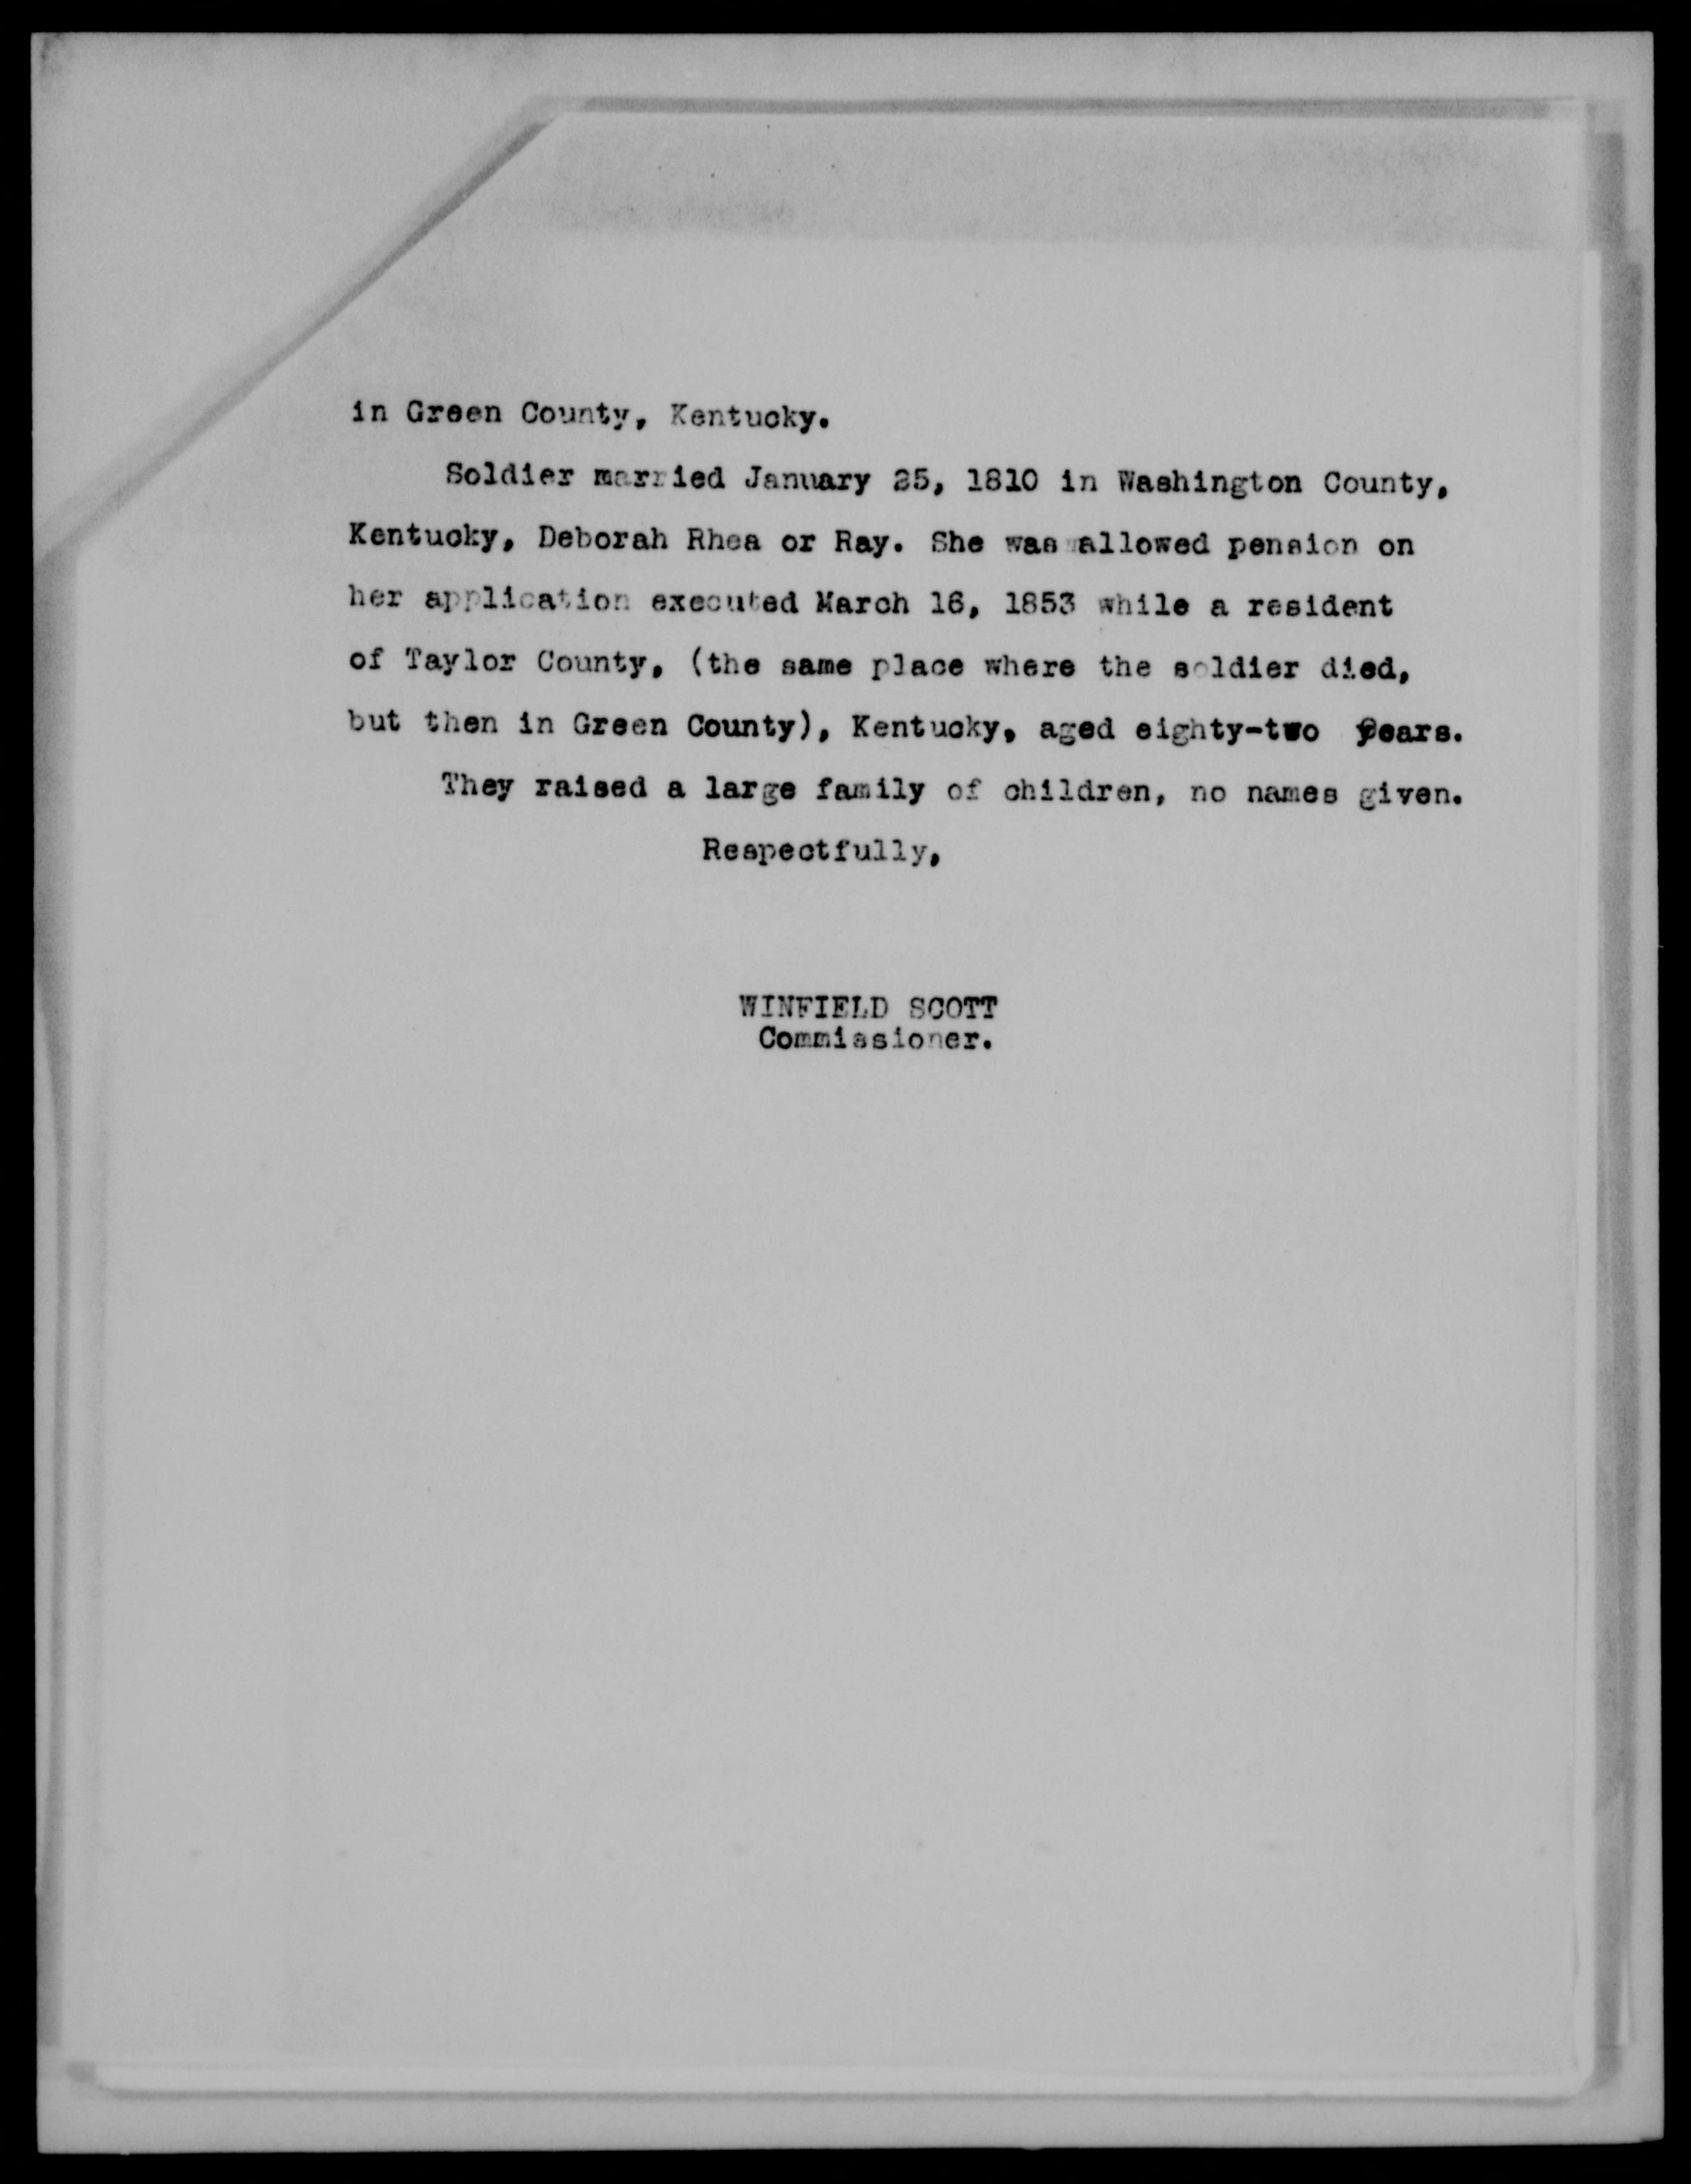in Green County, Kentucky.
Soldier married January 25, 1810 in Washington County, Kentucky, Deborah Rhea or Ray.  She was allowed pension on her application executed March 16, 1853 while a resident of Teylor County, (the same place where the soldier died, but then in Green County), Kentucky, aged eighty-two years.
They raised a large family of children, no names given.
Respectfully,
WINFIELD SCOTT
Commissioner.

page: 53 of 53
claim: widow's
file: W. 6,267, for John Thurman, Georgia